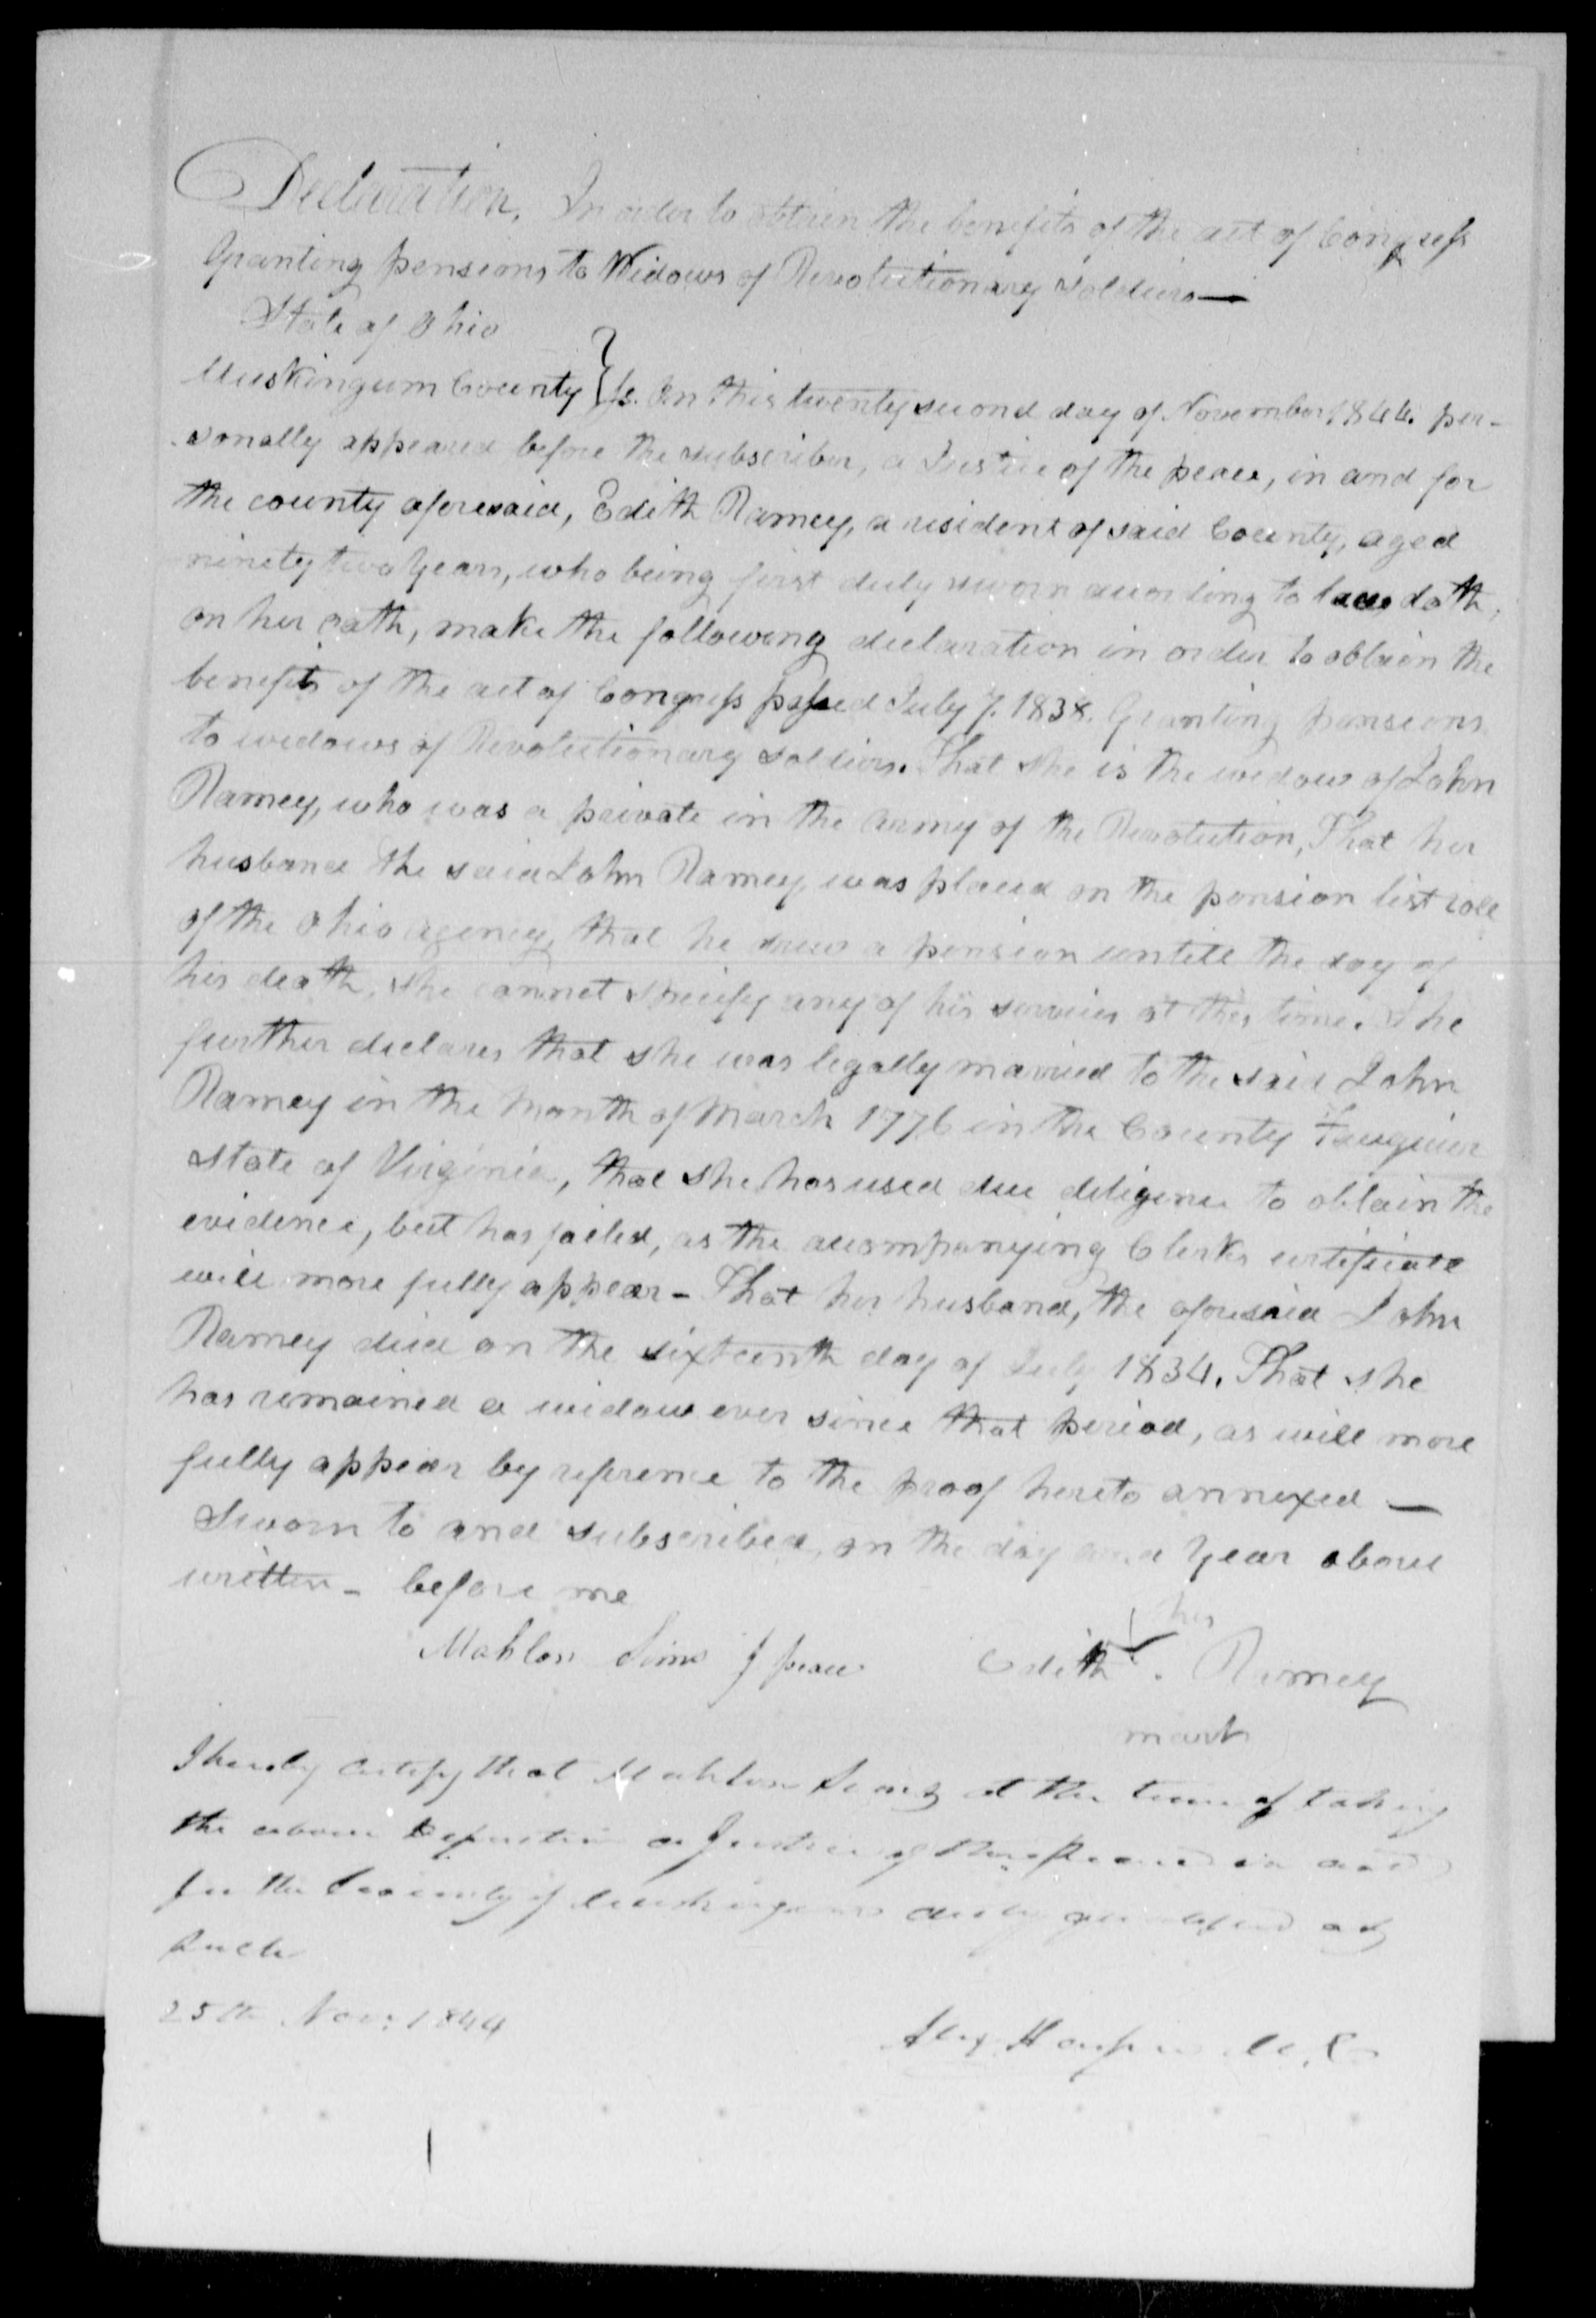Declaration, In order to obtain the benefits of the act of Congress Granting pensions to Widows of Revolutionary Soldiers-
State of Ohio
Muskingum County SS. On this twenty second day of November 1844, personally appeared before the subscriber, a Justice of the Peace, in and for the county aforesaid, Edith Ramey, a resident of said County, aged ninety two years, who being first duly sworn according to law doth, on her oath, make the following declaration in order to obtain the benefits of the act of Congress passed July 7, 1838, Granting pensions to widows of Revolutionary soldiers. That she is the widow of John Ramey, who was a private in the Army of the Revolution, That her husband the said John Ramey was placed on the pension list roll of the Ohio Agency, that he drew a pension untill the day of his death, She cannot specify any of his services at this time. She further declares that she was legally married to the said John Ramey in the month of March 1776 in the County Fauquier State of Virginia, that she has used due diligence to obtain the evidence, but has failed, as the accompanying Clerks certificate will more fully appear - That her husband, the aforesaid John Ramey died on the sixteenth day of July 1834, That she has remained a widow ever since that period, as will more fully appear by reference to the proof hereto annexed-
Sworn to and subscribed on the day and year above written - before me
Mahlon Sims J. Peace Edith Ramey x her mark

I hereby Certify that Mahlon Sims at the time of taking the above Deposition a Justice of the Peace in and for the County of Muskingum duly qualified as such
25th Novr. 1844 Alex. Harper M.C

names: John Ramey; John Ramey; Edith Ramey; John Ramey; Mahlon Sims; Alex Harper; John Ramey; Edith Ramey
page: 77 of 84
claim: widow's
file: W.11104, for John Remay, Virginia